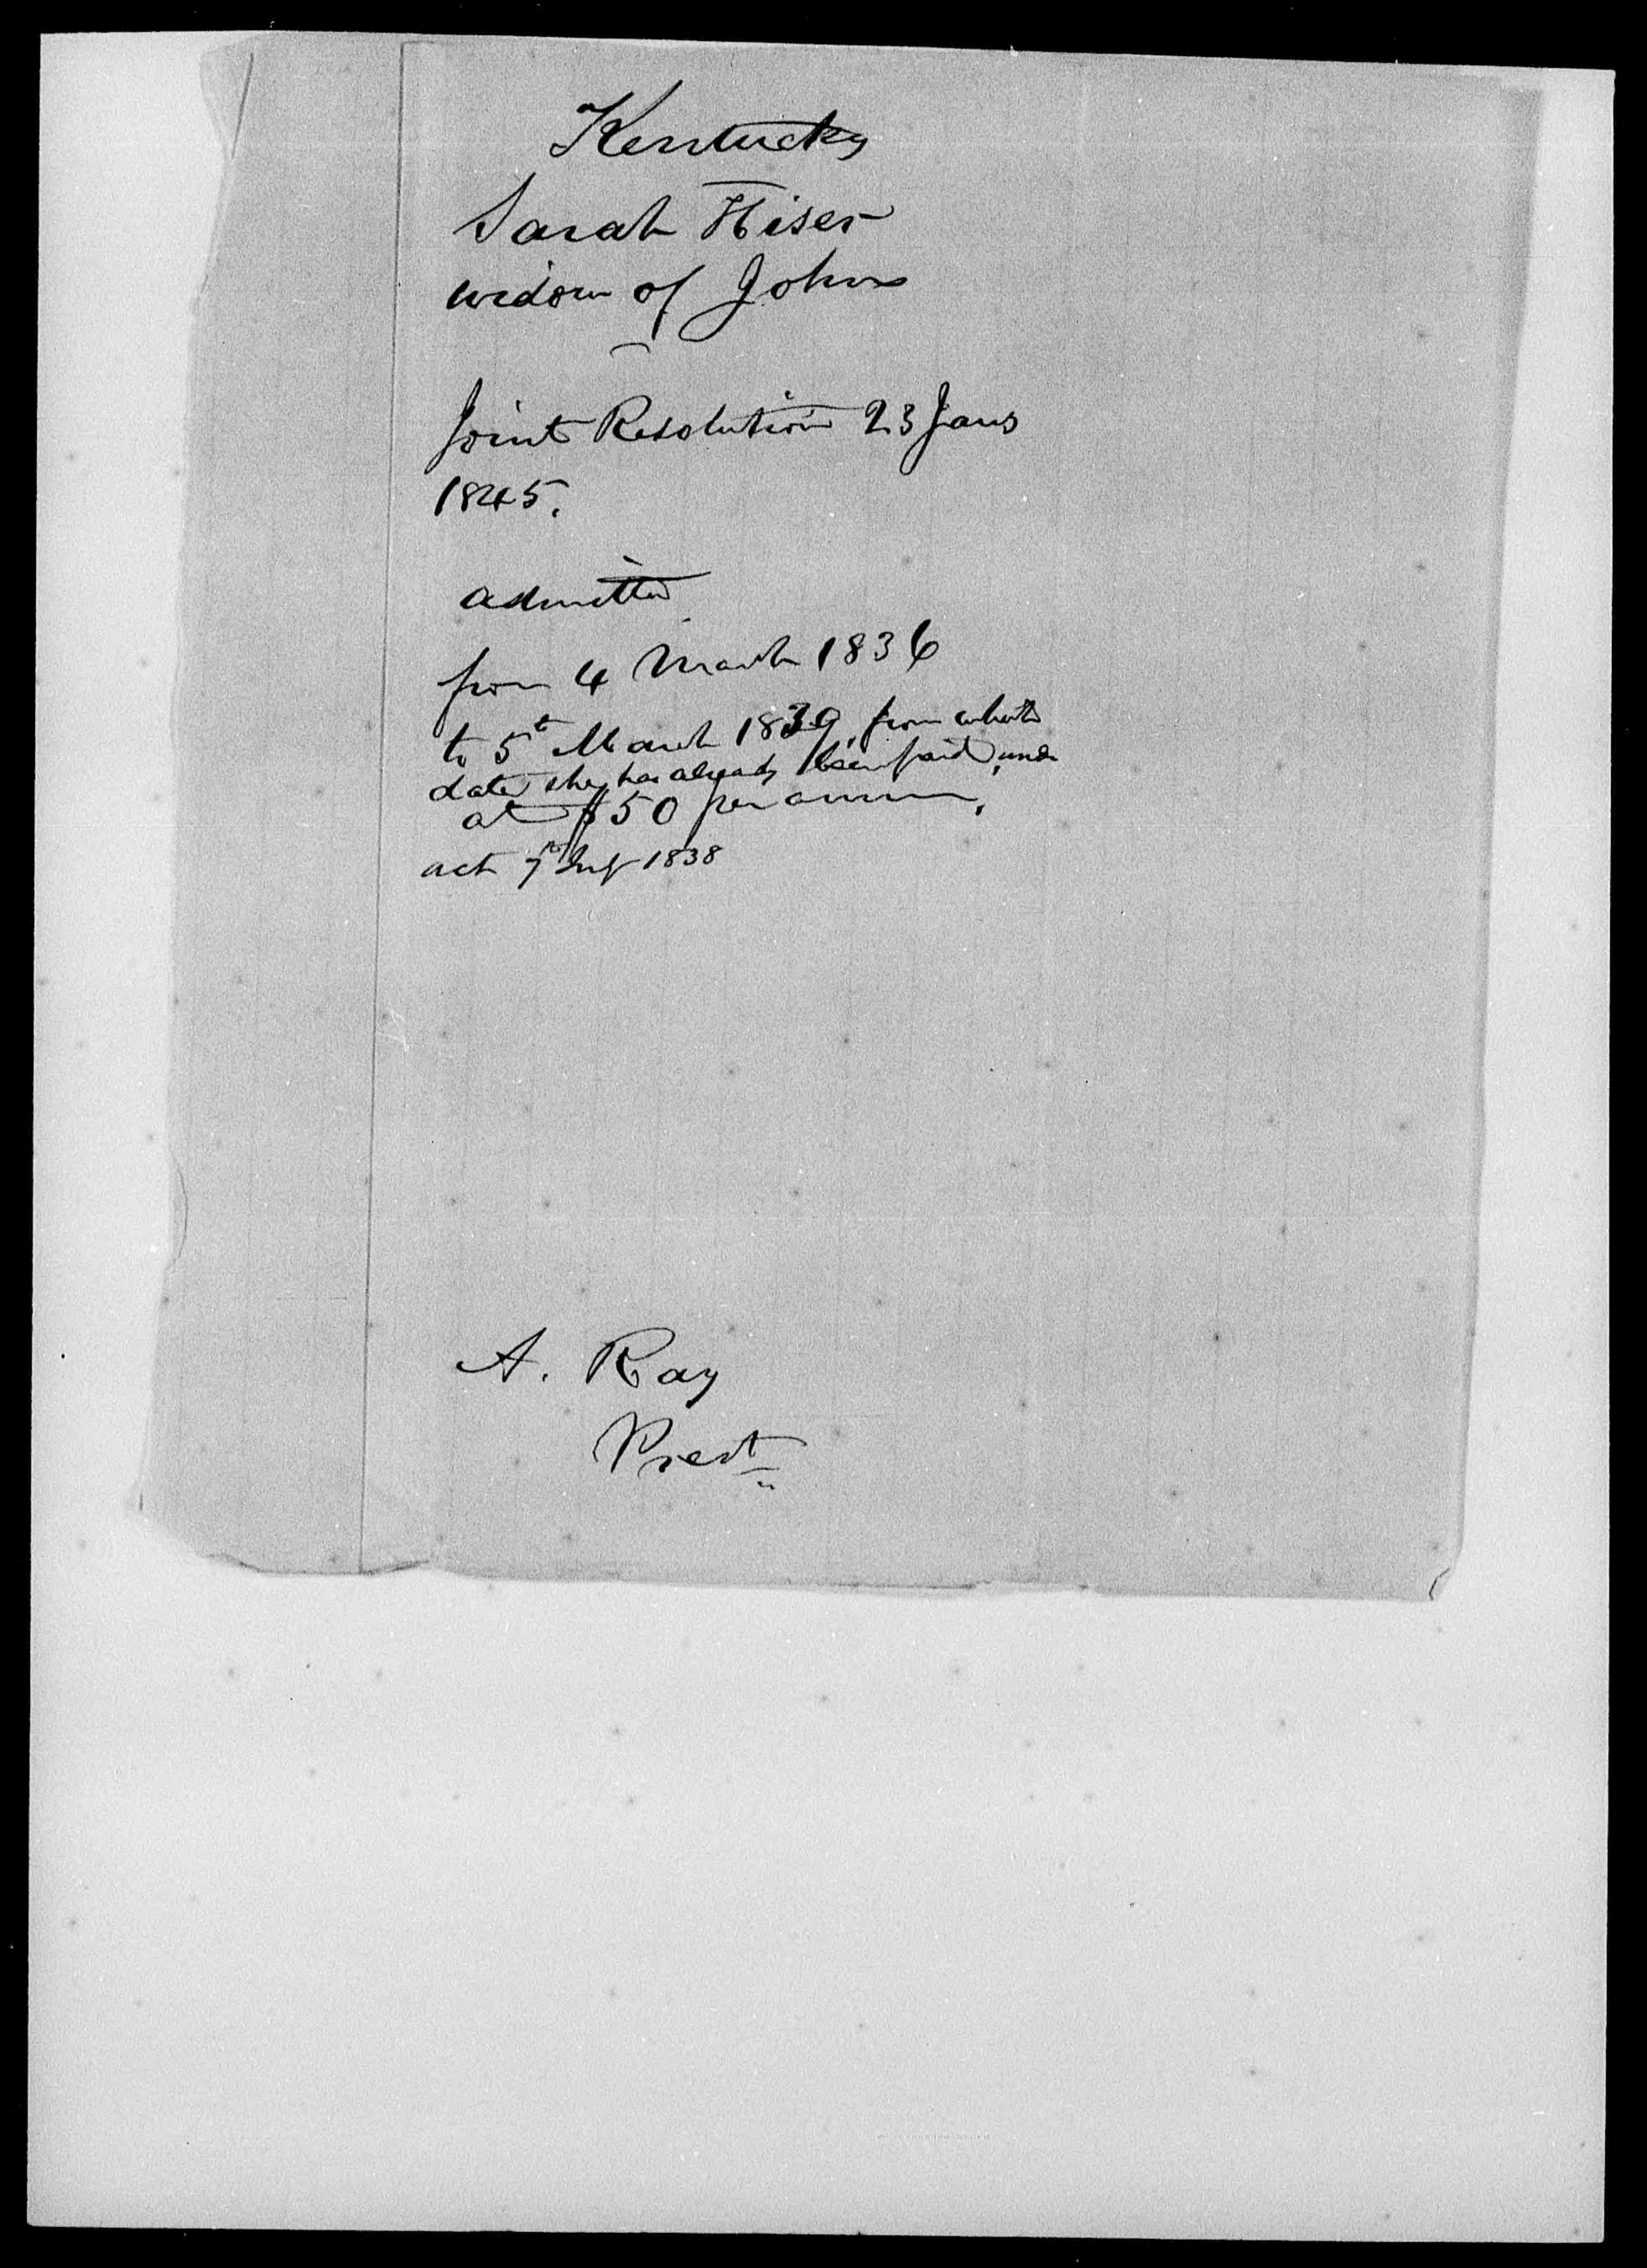Kentucky
Sarah Hiser
widow of John

Joint Resolution 23 Jan1845.

Admitted
from 4 March 1836
to 5th March 1839 from which
date she has already been paid and
at $50 per annum
act of 7th July 1838

A. Ray
Prest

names: Sarah Hiser, A Ray, John Hiser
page: 22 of 58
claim: widow's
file: W. 8932, John Hiser, Penn.